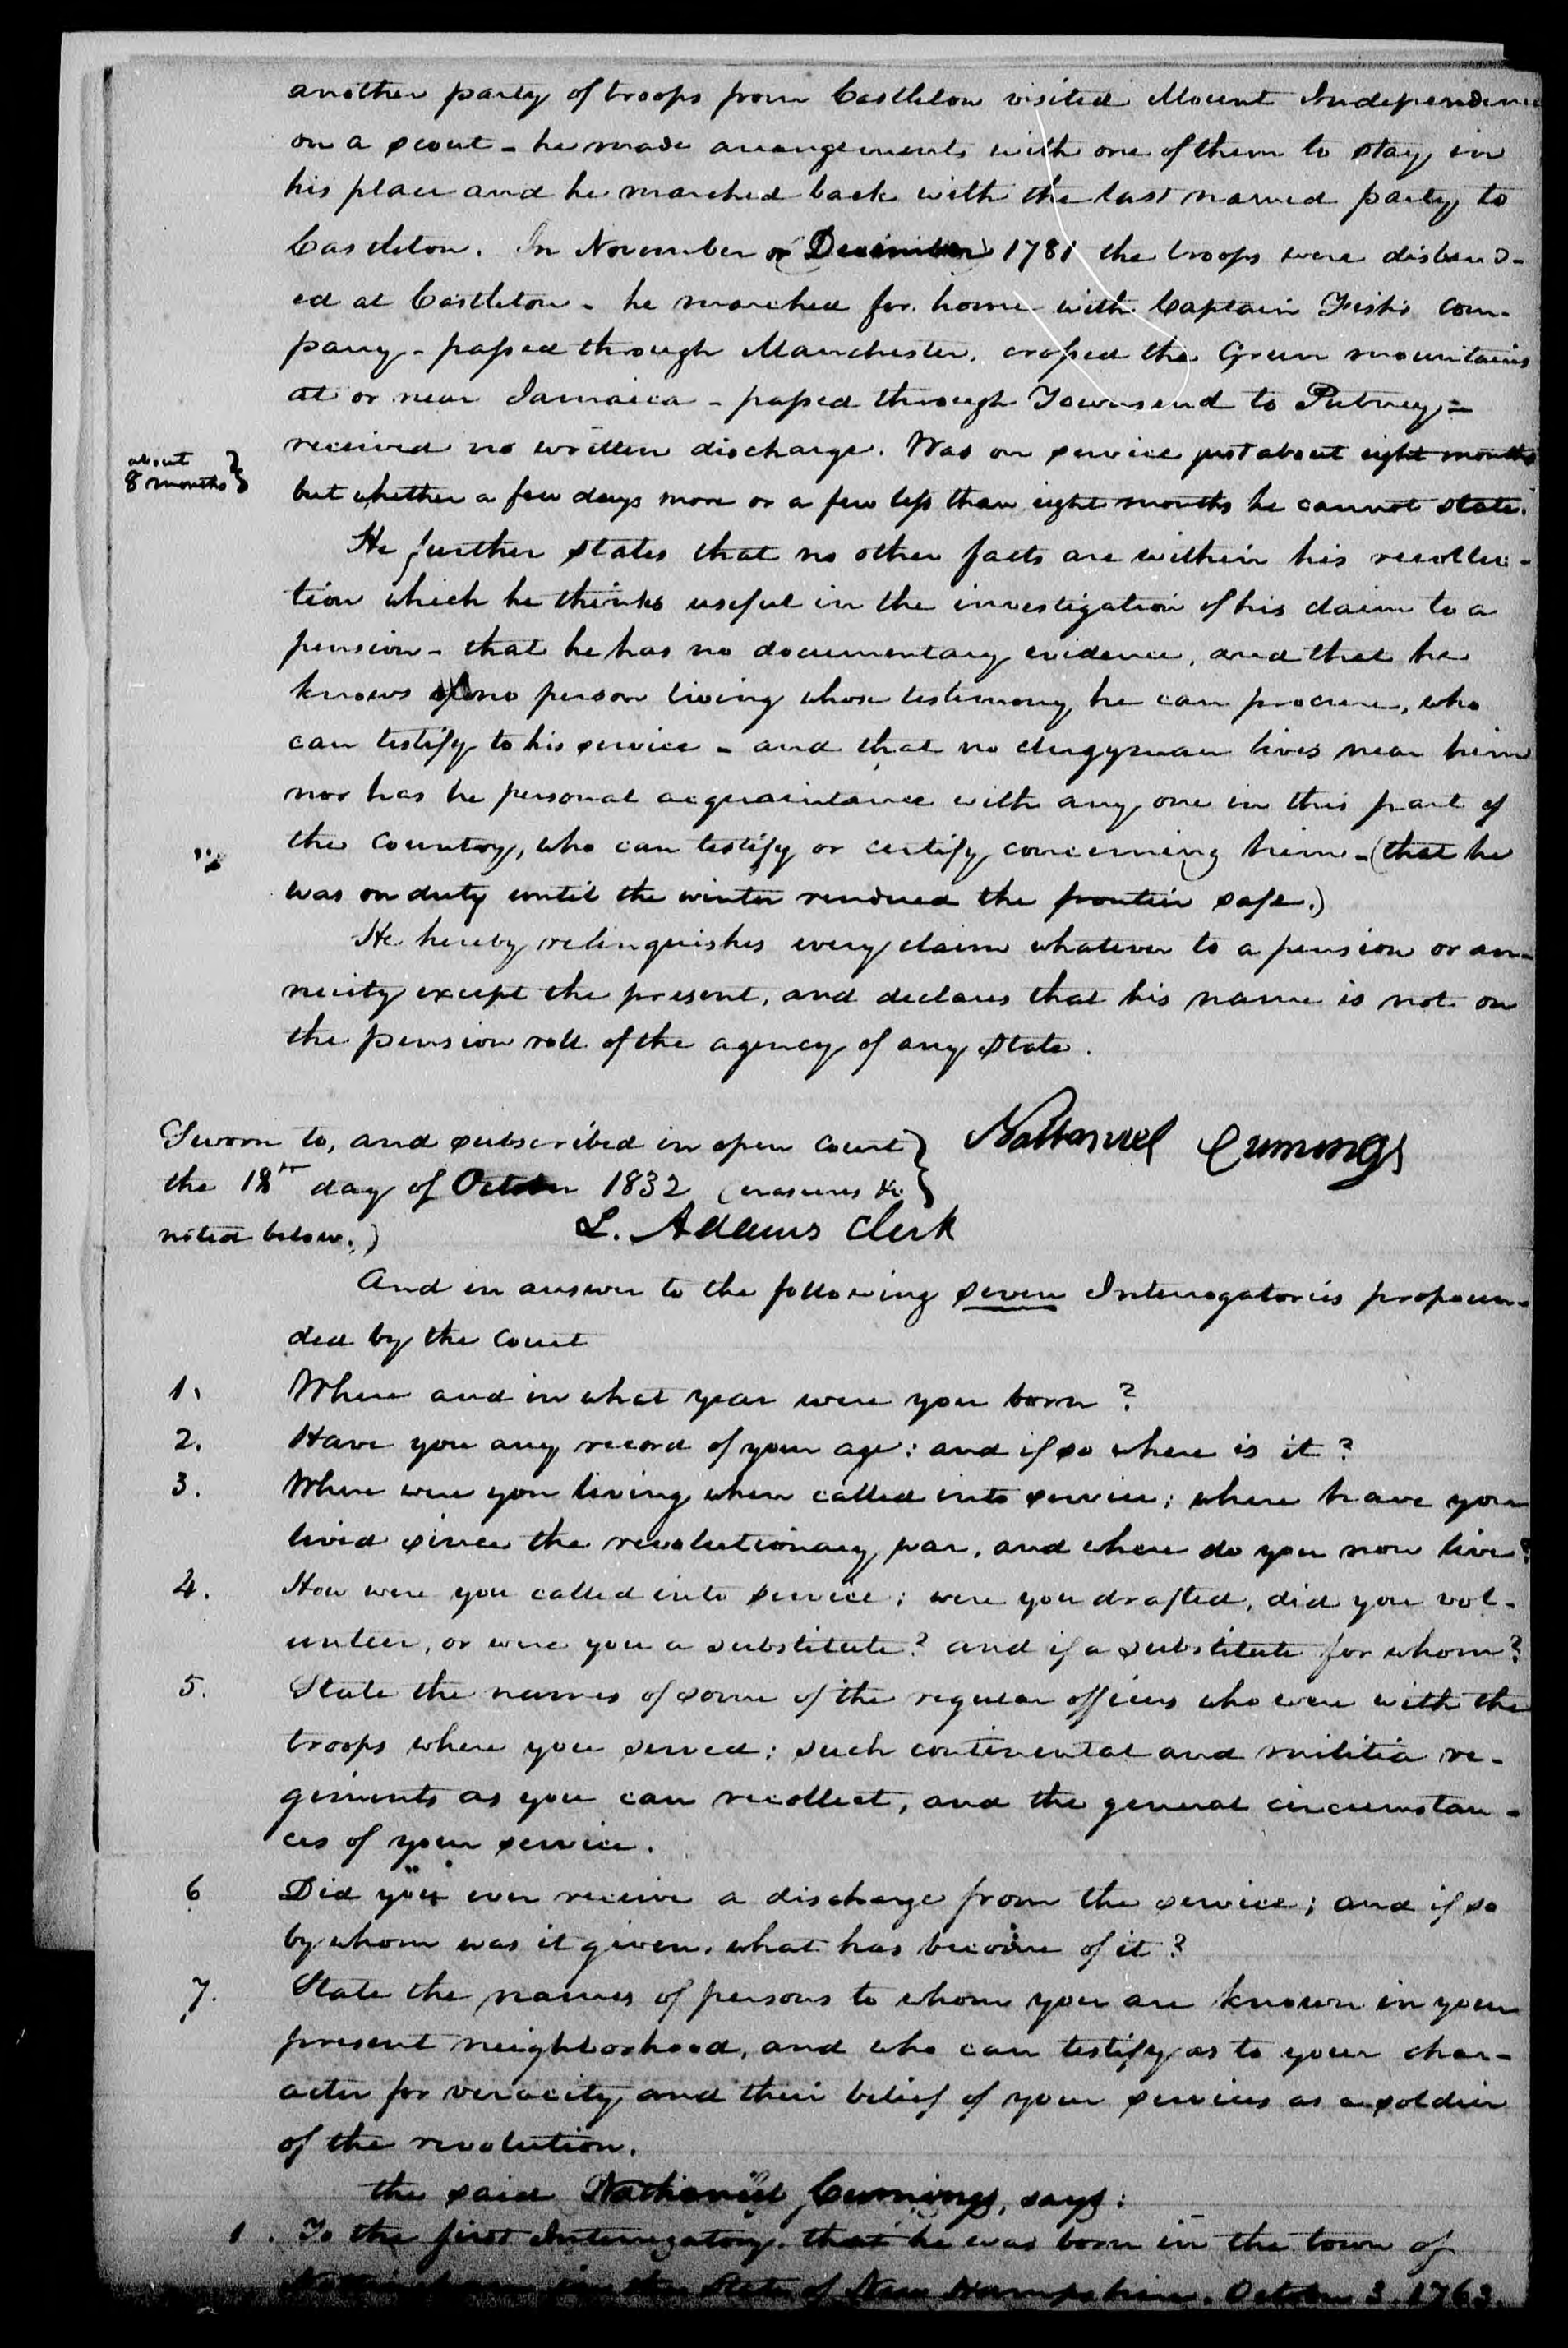another party of troops from Castleton visited Mount Independence
on a scout, he made arrangements with one of them to stay in
his place and he marched back with the last named party to
Castleton, In November or December 1781 the troops were disbanded 
at Castleton, he marched for home with Captain Fish's company 
passed through Manchester, crossed the Green Mountains
at or near Jamaica, - passed through Townsend to Putney -
received no written discharge. Was on service just about eight months
but whether a few days more or a few less than eight months he cannot state
8 months [in margin]
He further states that no other facts are within his recollection 
which he thinks useful in the investigation of his claim to a
pension - that he has no documentary evidence, and that he
knows of no person living whose testimony he can procure, who
can testify to his service, - and that no clergyman lives near him
nor has he personal acquaintance with any one in this part of
the country, who can testify or certify concerning him, (that he
was on duty until the winter rendered the frontier safe),

He hereby relinquishes every claim whatever to a pension or an
nuity except the present, and declares that his name is not on
the pension roll of the agency of any State
Nathaniel Cumings
Sworn to and subscribed in open court 
the 18th day of October 1832, erasures &
noted below,
L. Adams Clerk

and in answer to the following seven Interrogatories propounded

1. Where and in what year were you born?
2. Have you any record of your age; and if so where is it?
3. Where were you living when called into service; where have you
lived since the revolutionary war, and where do you now live
4. How were you called into service; were you drafted, did you volunteer,
or were you a substitute? and if a substitute for whom?
5. State the names of some of the regular officers who were with the 
troops where you served; such continental and militia regiments
as you can recollect, and the general circumstances 
of your service.
6. Did you ever receive a discharge from the service; and if so
by whom was it given, what has become of it
7. State the names of persons to whom you are known in your 
present neighborhood, and who can testify as to your character 
for veracity and their belief of your services as a soldier
of the revolution,

the said Nathaniel Cummings, says:
1. To the first interrogatory, that he was born in the town of
Nottingham in the State of New Hampshire, Oct 3, 1763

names: Nathaniel Cumings, L Adams, Nathaniel Cumings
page: 6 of 41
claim: widow's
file: W. 9819, Nathaniel Cumings, Vt.